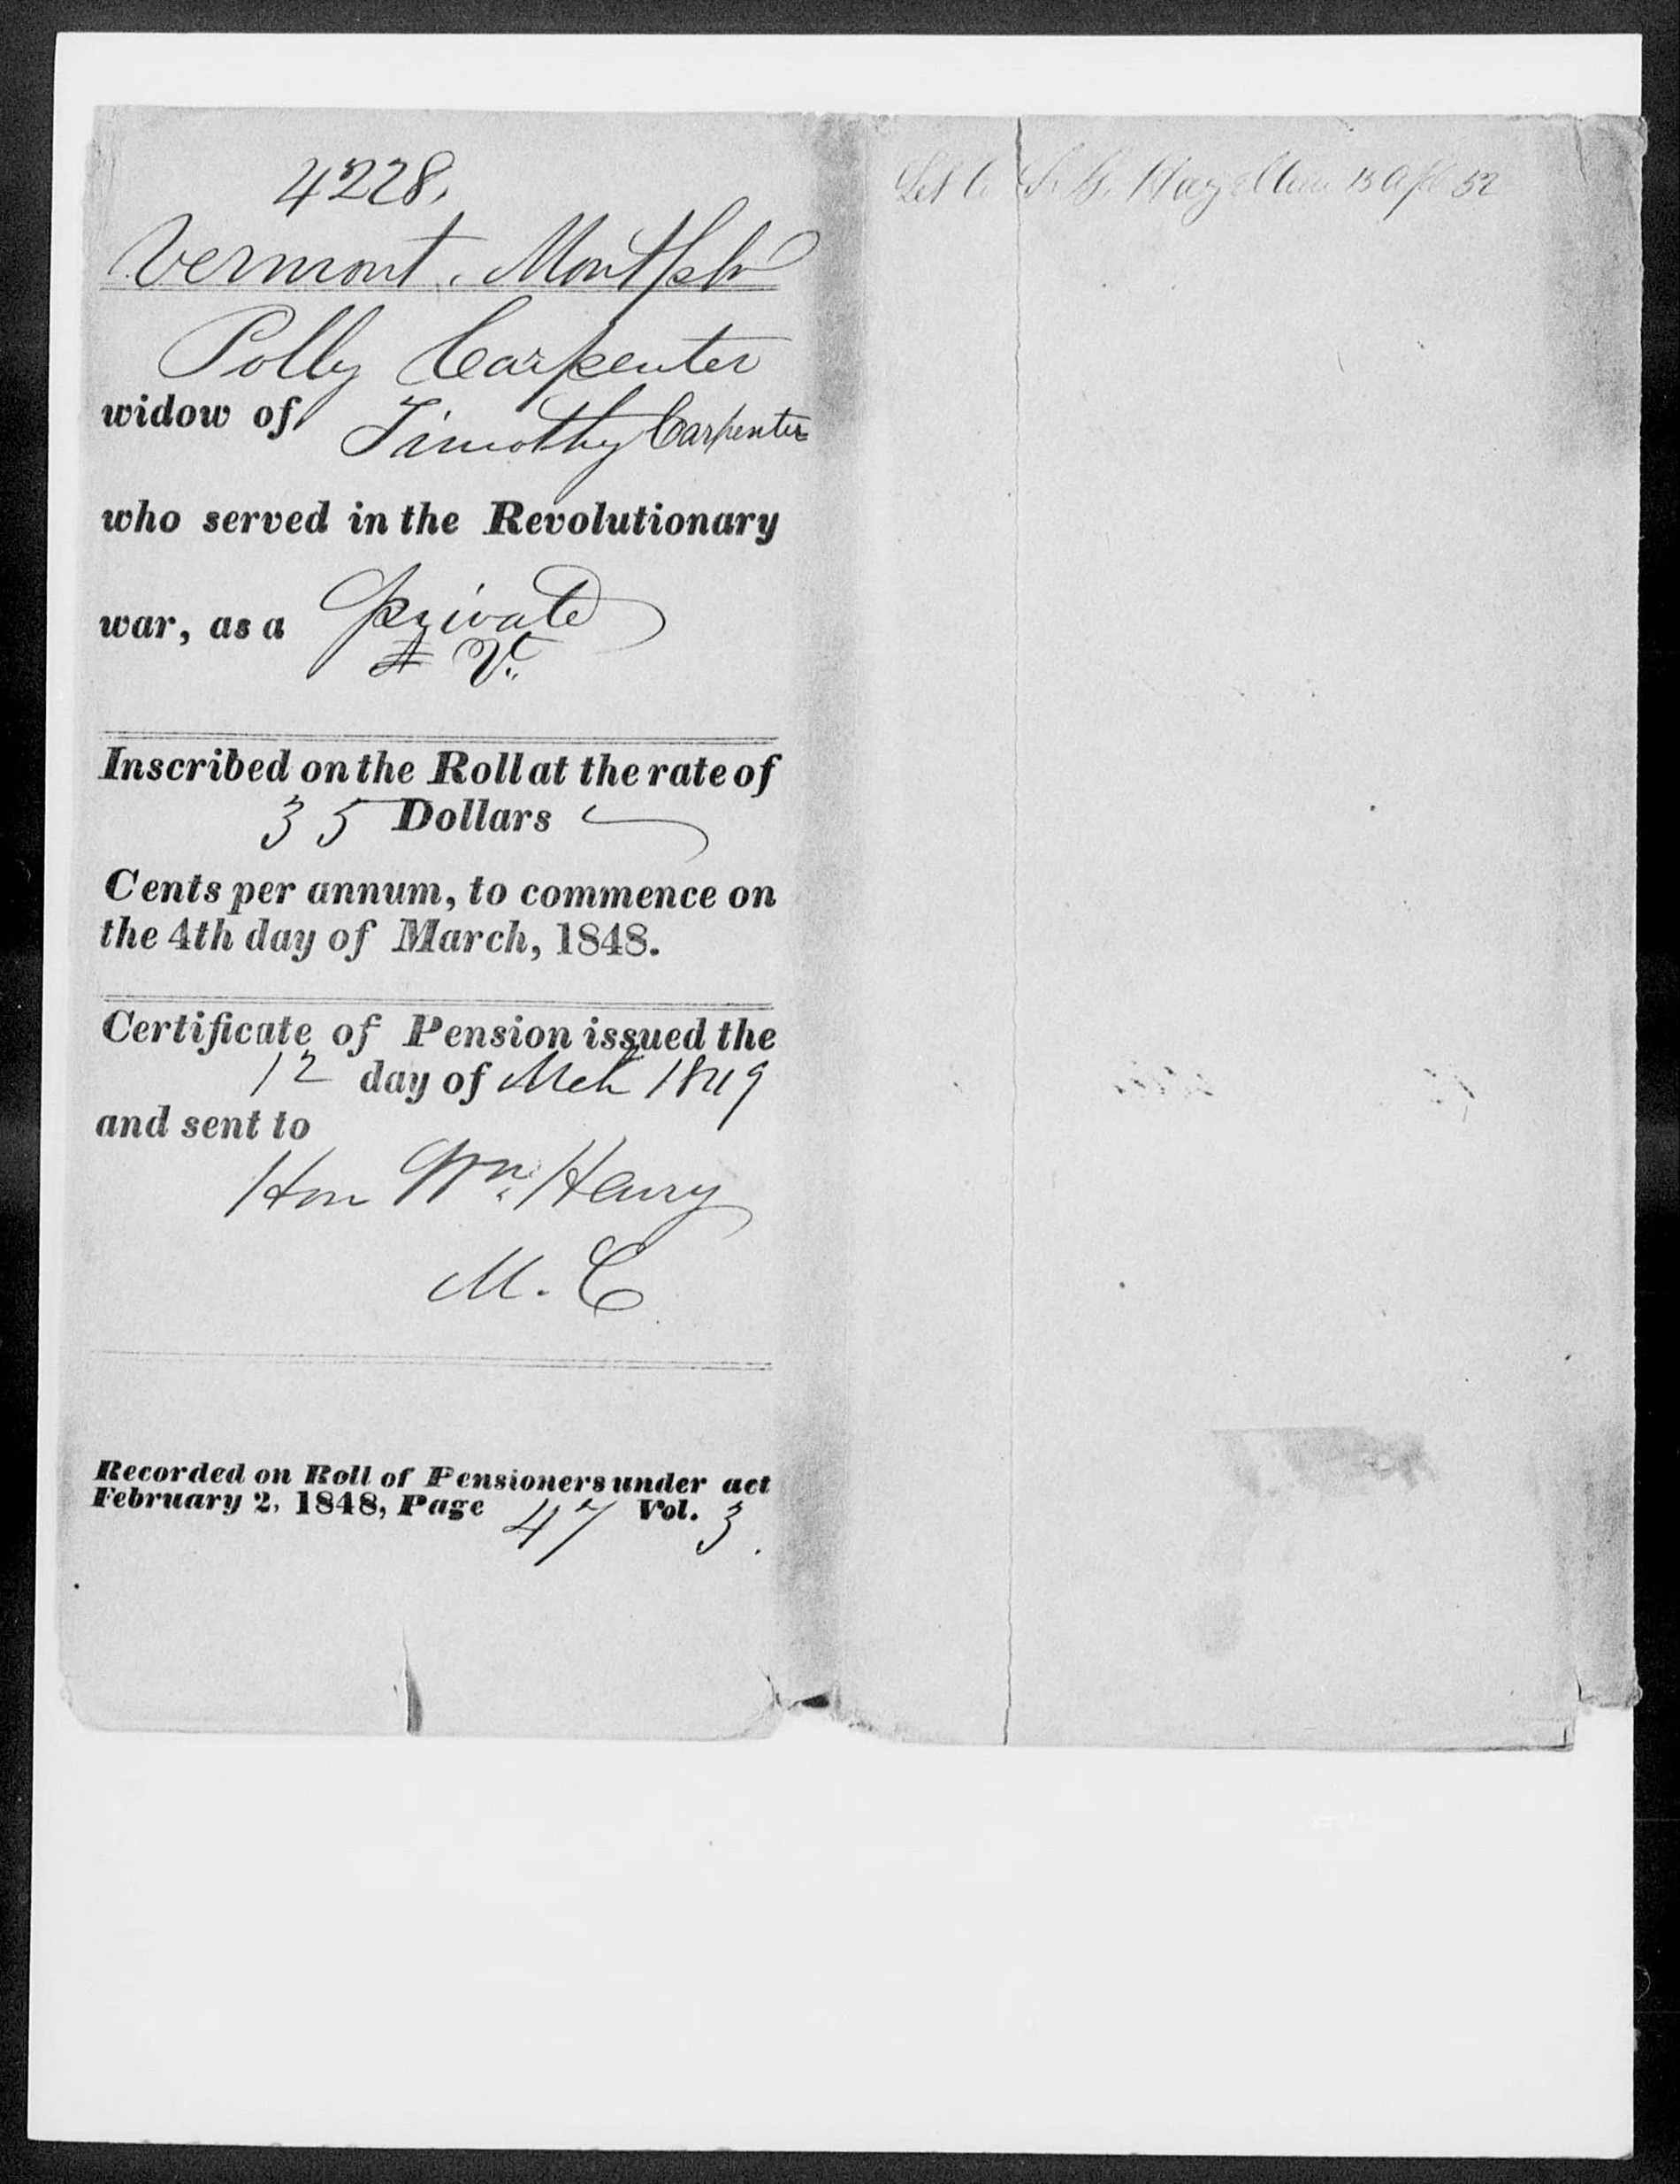[verso]

4228,
Vermont Montpelier
Polly Carpenter widow of Timothy Carpenter who served in the Revolutionary war, as a private Vt.
______
Inscribed on the Roll at the rate of 35 Dollars -- Cents per annum, to commence on the 4th day of March, 1848.
______
Certificate of Pension issued the 12 day of Mch 1849 and sent to Hon Wm. Henry M.VC.

Recorded on Roll of Pensioners under act February 2, 1848 page 47 Vol. 3. 

[recto]

Let to S. B. Hazeltine 13 Apl 52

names: Polly Carpenter, Timothy Carpenter, Wm Harry, S B Hay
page: 8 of 41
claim: widow's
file: W. 15627, Timothy Carpenter, Vt.